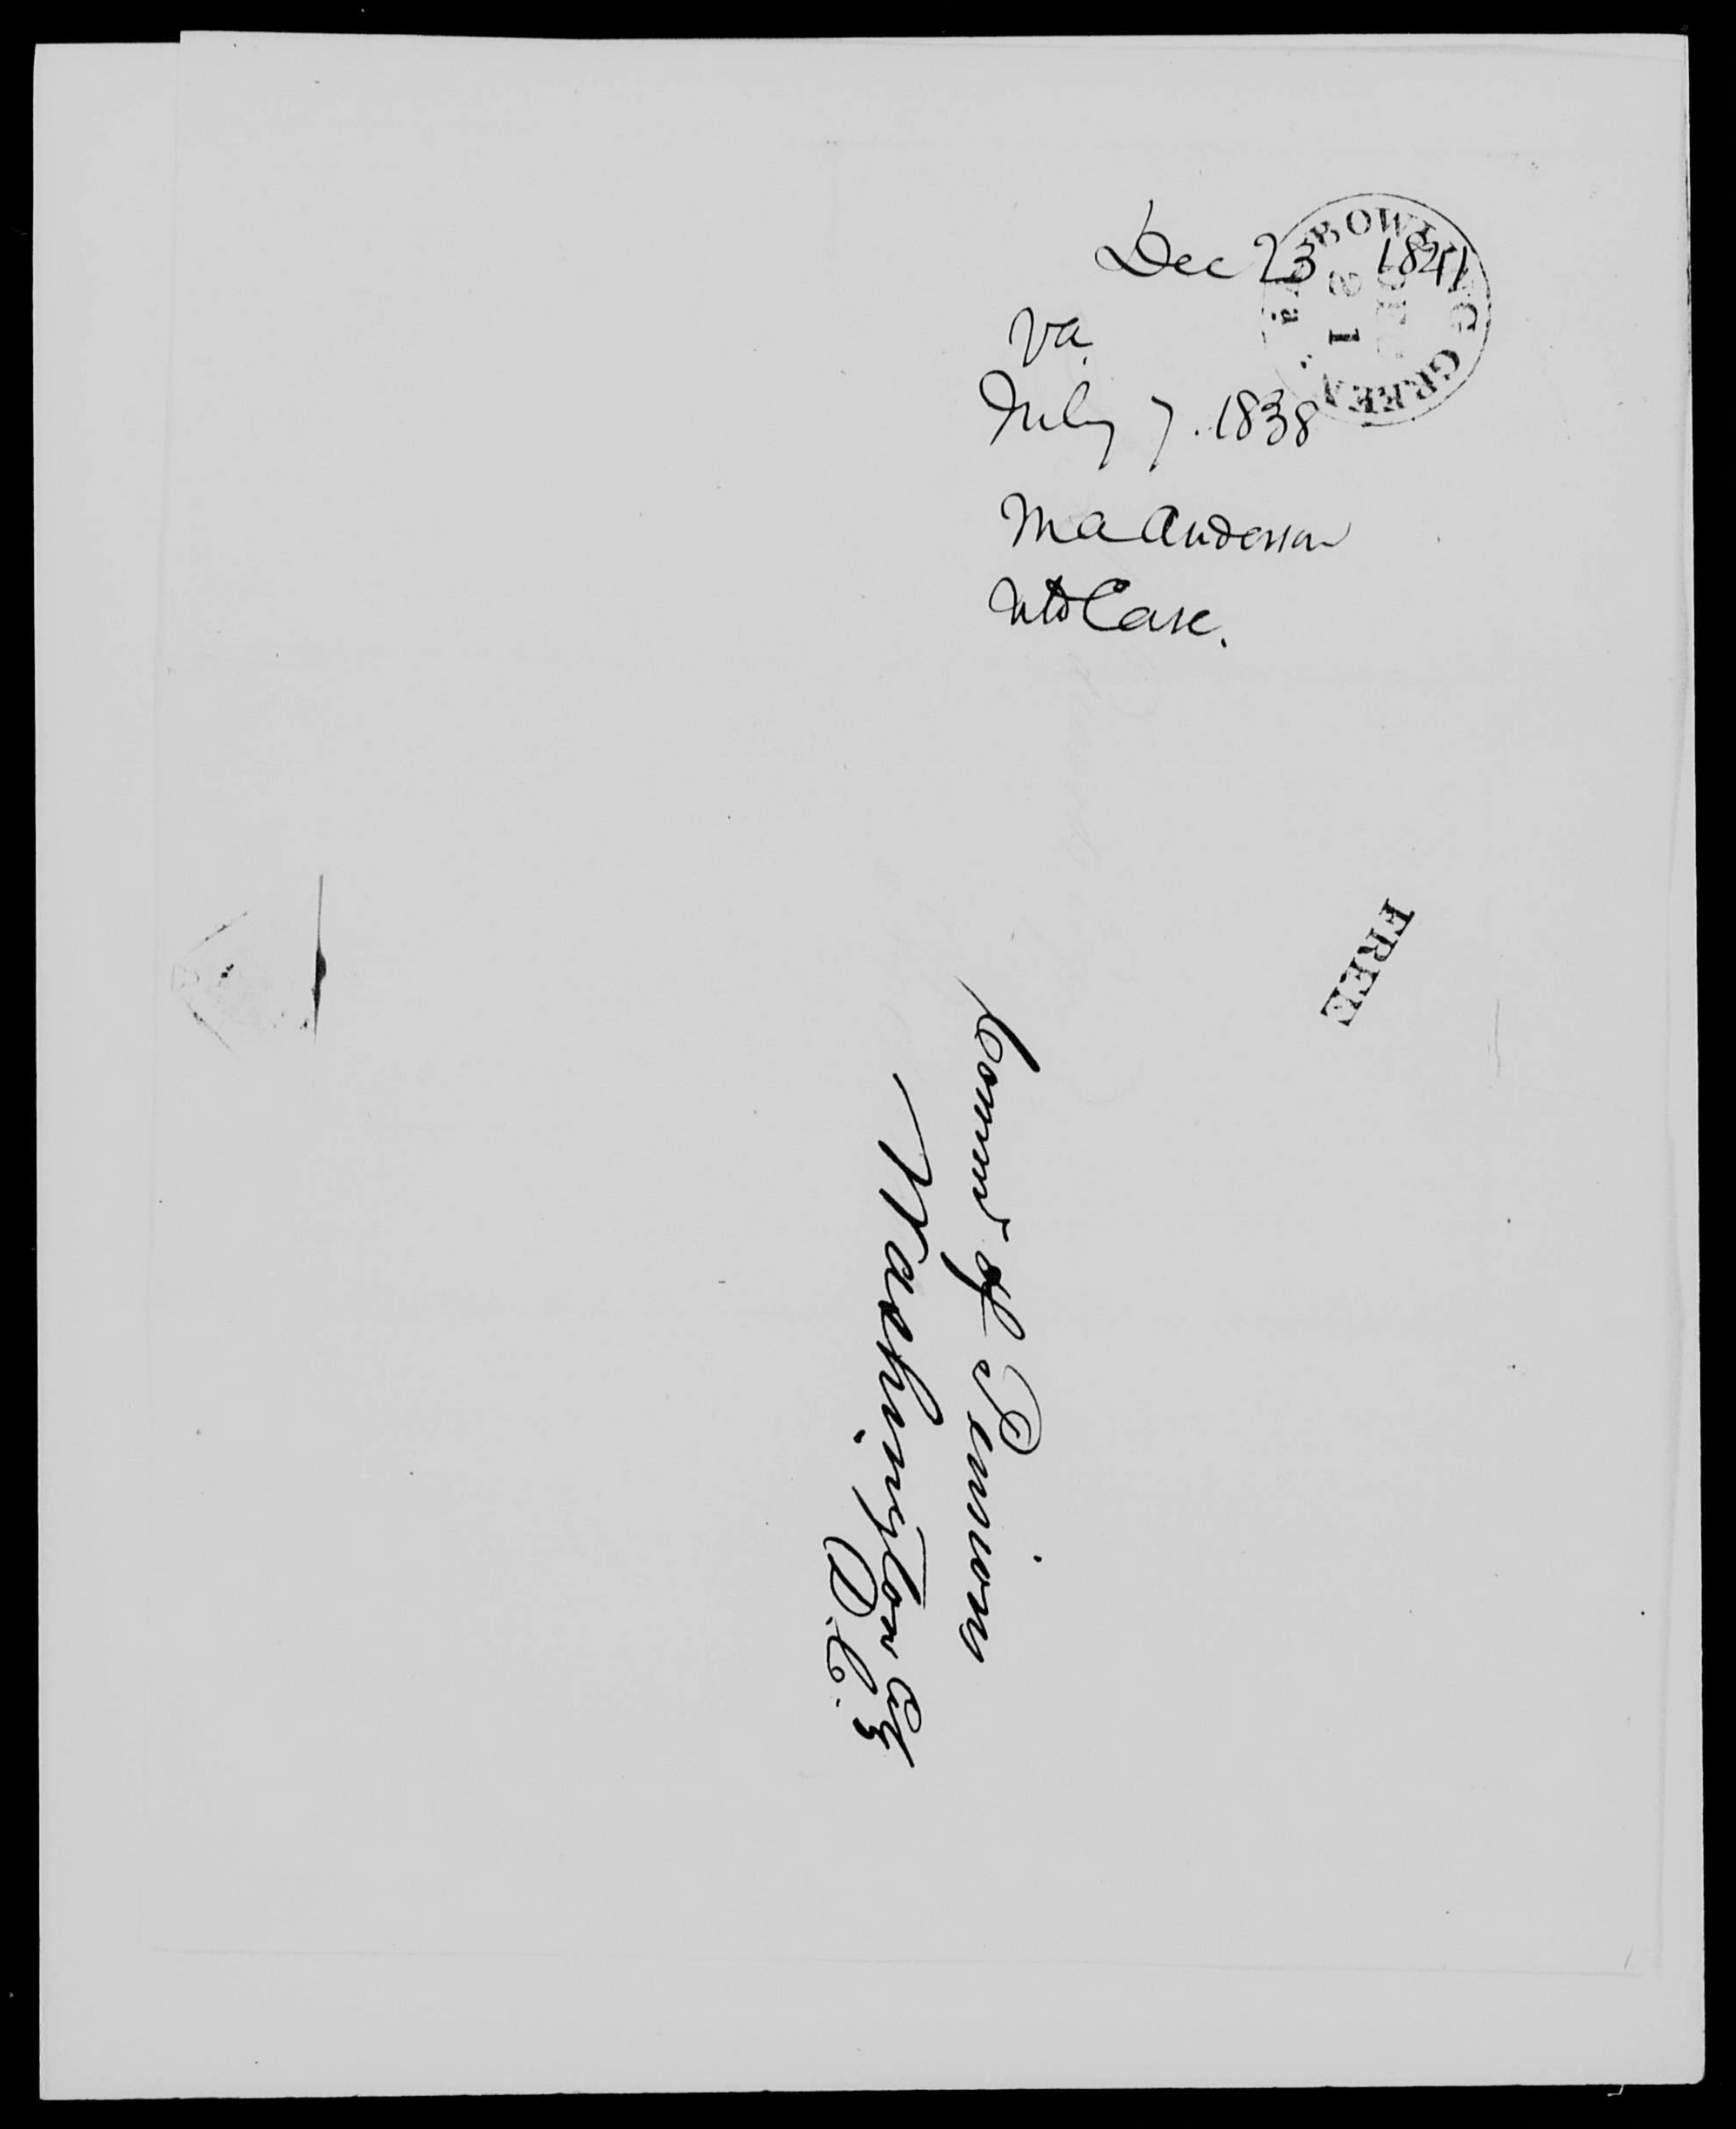FREE

Commr of Pensions
Washington City  D.C.

[Stamp:]
BOWLING GREEN Va
DEC 21

Dec 23
Va
July 7. 1838
MA Anderson
Wid Case.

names: M A Anderson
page: 35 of 43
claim: widow's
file: W. 5,626, Nathan Anderson, Va.